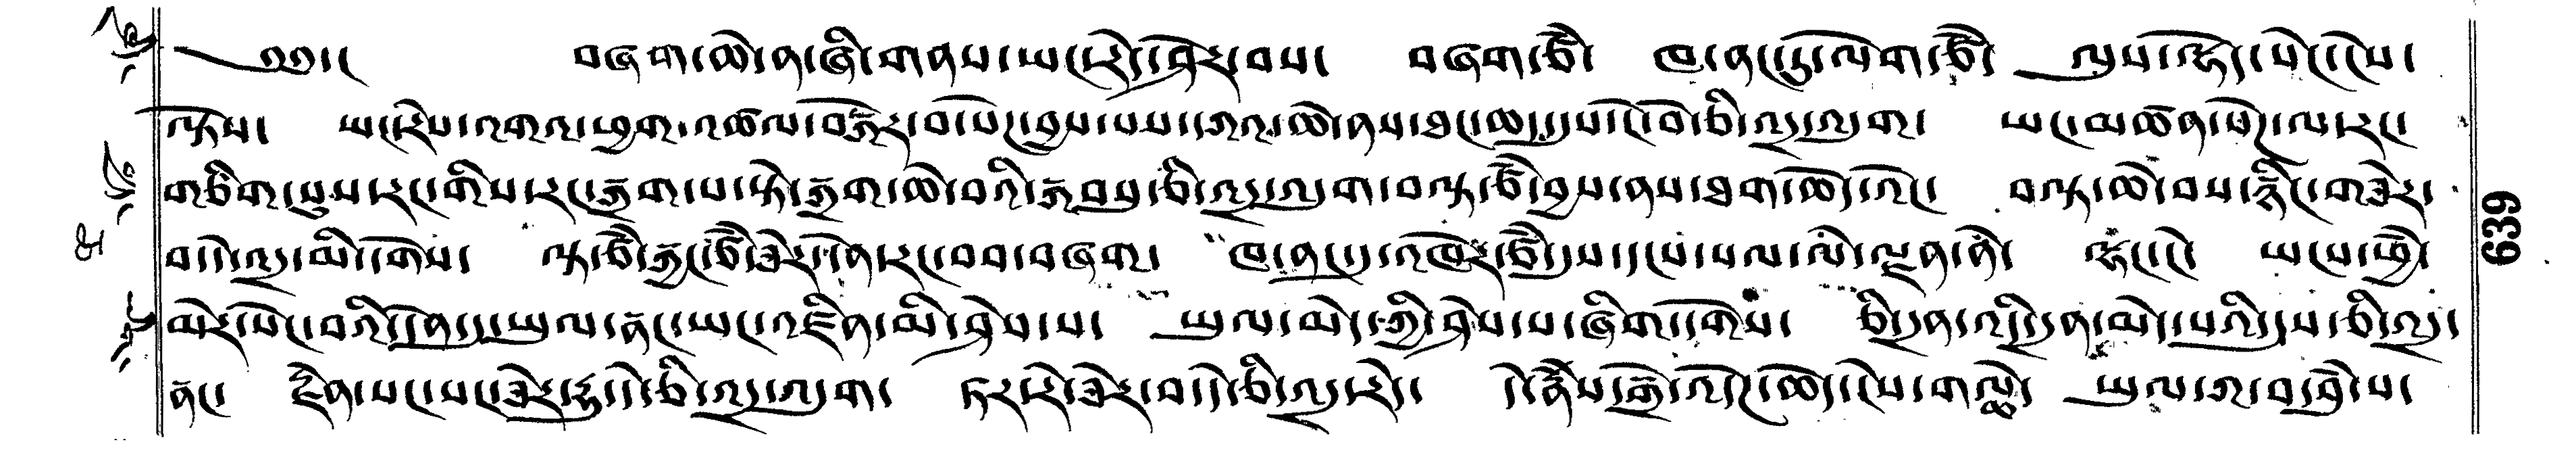བཞག་ཆེ་ན་ཞི་གནས་ཡང་རེད་ཤོར་བས། འཇོག་ཙམ། ཁ་ནང་དུ་ལོག་ཙམ། ལུས་ལྷོད་སེང་ངེས་
ལྟོས། ཡང་རེས་འགའ་ཕྱག་འཚལ་བསྐོར་བ་སོགས་བྱས་པ་དཀའ་ཆེ་ནས་ཐང་ཆད་དུས་ངོ་བོ་ཅི་འདྲ་འདུག ཡང་མཚན་སོགས་ལ་རང་
གཅིག་པུར་རང་གིས་རང་སྐྲག་པ་སྟེ་སྐྲག་ཆེ་བའི་སྐབས་སུ་ཅི་འདྲ་འདུག་བལྟ་ཙམ་བྱས་ནས་ཐག་ཆོད་འོང་། བལྟ་ཆེ་བས་སྙིང་གཟེར་
བ་དེ་འདྲ་མི་དགོས། ལྟ་ཙམ་སྐྱོང་ཙམ་ཟེར་དོན་རང་བབ་བཞག ཁ་ནང་དུ་འཁོར་ཙམ་དུས་དྭངས་སལ་ལེ། རྗེན་ནེ། ལྷང་ངེ་། ཡངས་ཕྱམ་
མེར་སོང་བའི་དོན་དུ་ཡུལ་སྣང་ཡང་འཛིན་མི་ཤེས་པ། ཡུལ་མེད་ཀྱི་ཤེས་པ་ཞིག་དགོས། ཅི་དྲན་འདི་དྲན་མེད་པའི་དུས་ཅི་འདྲ་
སྣང་། རྗེན་སང་སང་ཟེར་རྒྱུ་སྟེ་ཅི་འདྲ་འདུག ཧར་རེ་ཟེར་བ་དེ་ཅི་འདྲ་རེད། དེ་རྣམས་སྒྲོ་འདོགས་ཆོད་ངེས་གལ་ཆེ། ཡུལ་ཀ་བ་བུམ་པ་